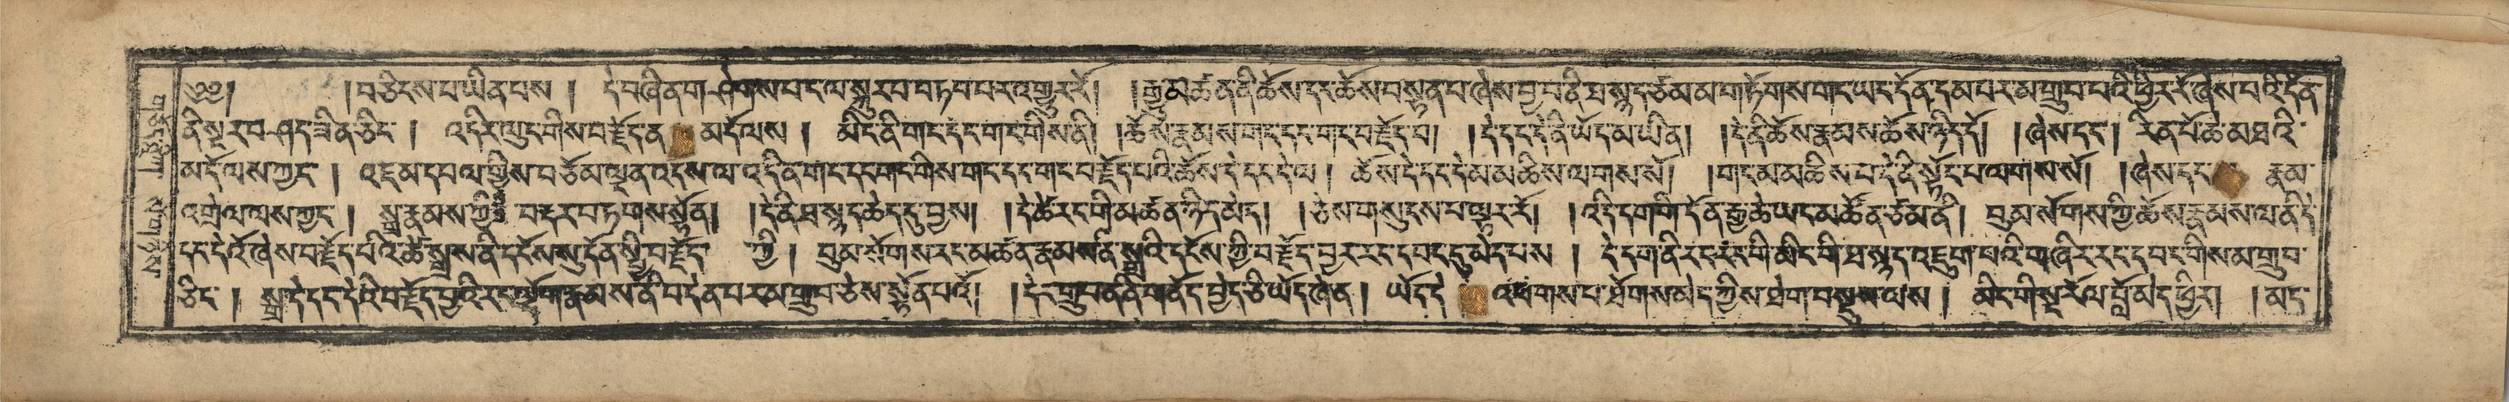༄༅། །བཅིངས་པ་ཡིན་པས། དེ་བཞིན་གཤེགས་པ་ང་ལ་སྐུར་བ་བཏབ་པར་འགྱུར་རོ། །རྒྱུ་མཚན་ནི་ཆོས་དང་ཆོས་བསྟན་པ་ཞེས་བྱ་བ་ནི་ཐ་སྙད་ཙམ་མ་གཏོགས་གང་ཡང་དོན་དམ་པར་མ་གྲུབ་པའི་ཕྱིར་རོ་ཞེས་པའི་དོན་
ནི་སྔར་བཤད་ཟིན་ཅིང་། འདིར་ལུང་གིས་བརྗོད་ན། མདོ་ལས། མིང་ནི་གང་དང་གང་གིས་ནི། །ཆོས་རྣམས་གང་དང་གང་བརྗོད་པ། །དེ་དང་དེ་ནི་ཡོད་མ་ཡིན། །དེ་ནི་ཆོས་རྣམས་ཆོས་ཉིད་དོ། །ཞེས་དང་། རིན་པོ་ཆེ་མཐའི་
མདོ་ལས་ཀྱང་། འཇམ་དཔལ་གྱིས་བཅོམ་ལྡན་འདས་ལ་འདི་ན་གང་དང་གང་གིས་གང་དང་གང་བརྗོད་པའི་ཆོས་དེ་དང་དེ་ལ། ཆོས་དེ་དང་དེ་མ་མཆིས་ལགས་སོ། །གང་མ་མཆིས་པ་དེ་ནི་སྟོང་པ་ལགས་སོ། །ཞེས་དང་། རྣམ་
འགྲེལ་ལས་ཀྱང་། སྒྲ་རྣམསཀྱི་ནི་བརྡར་བཏགས་སྟོན། །དེ་ནི་ཐ་སྙད་ཆེད་དུ་བྱས། །དེ་ཚེ་རང་གི་མཚན་ཉིད་མེད། །ཅེས་གསུངས་པ་ལྟར་རོ། །འདི་དག་གི་དོན་རྒྱ་ཆེ་ཡང་མཚོན་ཙམ་ནི། བུམ་སོགས་ཀྱི་ཆོས་རྣམས་ལ་ནི་དེ་
དང་དེའོ་ཞེས་བརྗོད་པའི་ཚེ་སྒྲས་ནི་དངོས་སུ་དོན་སྤྱི་བརྗོད་མོད་ཀྱི། བུམ་སོགས་རང་མཚན་རྣམས་ནི་སྒྲའི་དངོས་ཀྱི་བརྗོད་བྱར་རང་དབང་དུ་མེད་པས། དེ་དག་ནི་རང་རང་གི་མིང་གི་ཐ་སྙད་འཇུག་པའི་གཞིར་རང་དབང་གིས་མ་གྲུབ་
ཅིང་། སྒྲ་དེ་དང་དེའི་བརྗོད་བྱའི་རང་ལྡོག་རྣམས་ནི་བདེན་པར་མ་གྲུབ་ཅེས་སྟོན་པའོ། །དེར་གྲུབ་ན་ནི་གནོད་བྱེད་ཅི་ཡོད་ཞེ་ན། ཡོད་དེ། འཕགས་པ་ཐོགས་མེད་ཀྱིས་ཐེག་བསྡུས་ལས། མིང་གི་སྔ་རོལ་བློ་མེད་ཕྱིར། །མང་